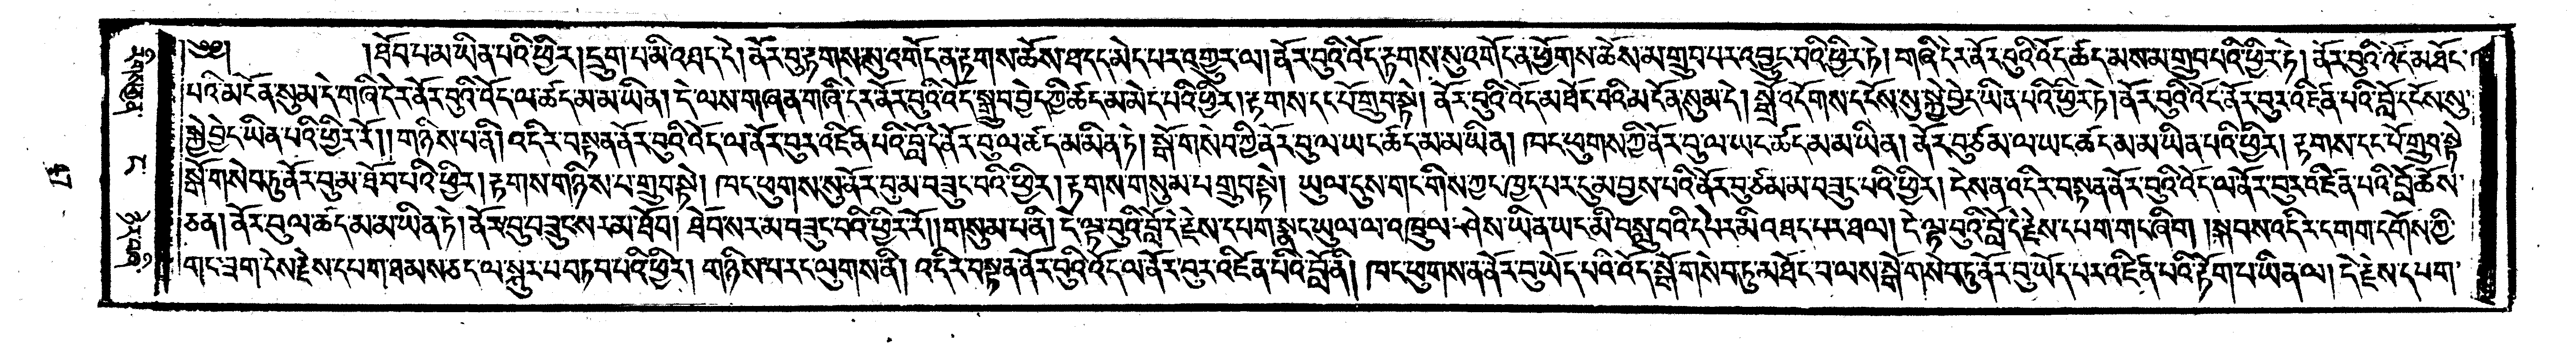༄༅། །ཐོབ་པ་མ་ཡིན་པའི་ཕྱིར། དྲུག་པ་མི་འཐད་དེ། ནོར་བུ་རྟགས་སུ་འགོད་ན་རྟགས་ཆོས་ཐ་དད་མེད་པར་འགྱུར་ལ། ནོར་བུའི་འོད་རྟགས་སུ་འགོད་ན་ཕྱོགས་ཆོས་མ་གྲུབ་པར་འགྱུར་བའི་ཕྱིར་ཏེ། གཞི་དེར་ནོར་བུའི་འོད་ཚད་མས་མ་གྲུབ་པའི་ཕྱིར་ཏེ། ནོར་བུའི་འོད་མཐོང་
བའི་མངོན་སུམ་དེ་གཞི་དེར་ནོར་བུའི་འོད་ལ་ཚད་མ་མ་ཡིན། དེ་ལས་གཞན་གཞི་དེར་ནོར་བུའི་འོད་སྒྲུབ་བྱེད་ཀྱི་ཚད་མ་མེད་པའི་ཕྱིར། རྟགས་དང་པོ་གྲུབ་སྟེ། ནོར་བུའི་འོད་མཐོང་བའི་མངོན་སུམ་དེ། སྒྲོ་འདོགས་དངོས་སུ་སྐྱེ་བྱེད་ཡིན་པའི་ཕྱིར་ཏེ། ནོར་བུའི་འོད་ནོར་བུར་འཛིན་པའི་བློ་དངོས་སུ་
སྐྱེ་བྱེད་ཡིན་པའི་ཕྱིར་རོ། །གཉིས་པ་ནི། འདིར་བསྟན་ནོར་བུའི་འོད་ལ་ནོར་བུར་འཛིན་པའི་བློ་དེ་ནོར་བུ་ལ་ཚད་མ་མིན་ཏེ། སྒོ་གསེབ་ཀྱི་ནོར་བུ་ལ་ཡང་ཚད་མ་མ་ཡིན། ཁང་ཕུགས་ཀྱི་ནོར་བུ་ལ་ཡང་ཚད་མ་མ་ཡིན། ནོར་བུ་ཙམ་ལ་ཡང་ཚད་མ་མ་ཡིན་པའི་ཕྱིར། རྟགས་དང་པོ་གྲུབ་སྟེ།
སྒོ་གསེབ་ཏུ་ནོར་བུ་མ་ཐོབ་པའི་ཕྱིར། རྟགས་གཉིས་པ་གྲུབ་སྟེ། ཁང་ཕུགས་སུ་ནོར་བུ་མ་བཟུང་བའི་ཕྱིར། རྟགས་གསུམ་པ་གྲུབ་སྟེ། ཡུལ་དུས་གང་གིས་ཀྱང་ཁྱད་པར་དུ་མ་བྱས་པའི་ནོར་བུ་ཙམ་མ་བཟུང་བའི་ཕྱིར། དེས་ན་འདིར་བསྟན་ནོར་བུའི་འོད་ལ་ནོར་བུར་འཛིན་པའི་བློ་ཆོས་
ཅན། ནོར་བུ་ལ་ཚད་མ་མ་ཡིན་ཏེ། ནོར་བུ་བཟུང་སར་མ་ཐོབ། ཐོབ་སར་མ་བཟུང་བའི་ཕྱིར་རོ། །གསུམ་པ་ནི། དེ་ལྟ་བུའི་བློ་དེ་རྗེས་དཔག་སྣང་ཡུལ་ལ་འཁྲུལ་ཤེས་ཡིན་ཡང་མི་བསླུ་བའི་དཔེར་མི་འཐད་པར་ཐལ། དེ་ལྟ་བུའི་བློ་དེ་རྗེས་དཔག་གང་ཞིག །སྐབས་འདིར་དགག་དགོས་ཀྱི་?
གང་ཟག་དེས་རྗེས་དཔག་ཐམས་ཅད་ལ་སྐུར་བ་བཏབ་པའི་ཕྱིར། གཉིས་པ་རང་ལུགས་ནི། འདིར་བསྟན་ནོར་བུའི་འོད་ལ་ནོར་བུར་འཛིན་པའི་བློ་ནི། ཁང་ཕུགས་ན་ནོར་བུ་ཡོད་པའི་འོད་སྒོ་གསེབ་ཏུ་མཐོང་བ་ལས་སྒོ་གསེབ་ཏུ་ནོར་བུ་ཡོད་པར་འཛིན་པའི་རྟོག་པ་ཡིན་ལ། དེ་རྗེས་དཔག་